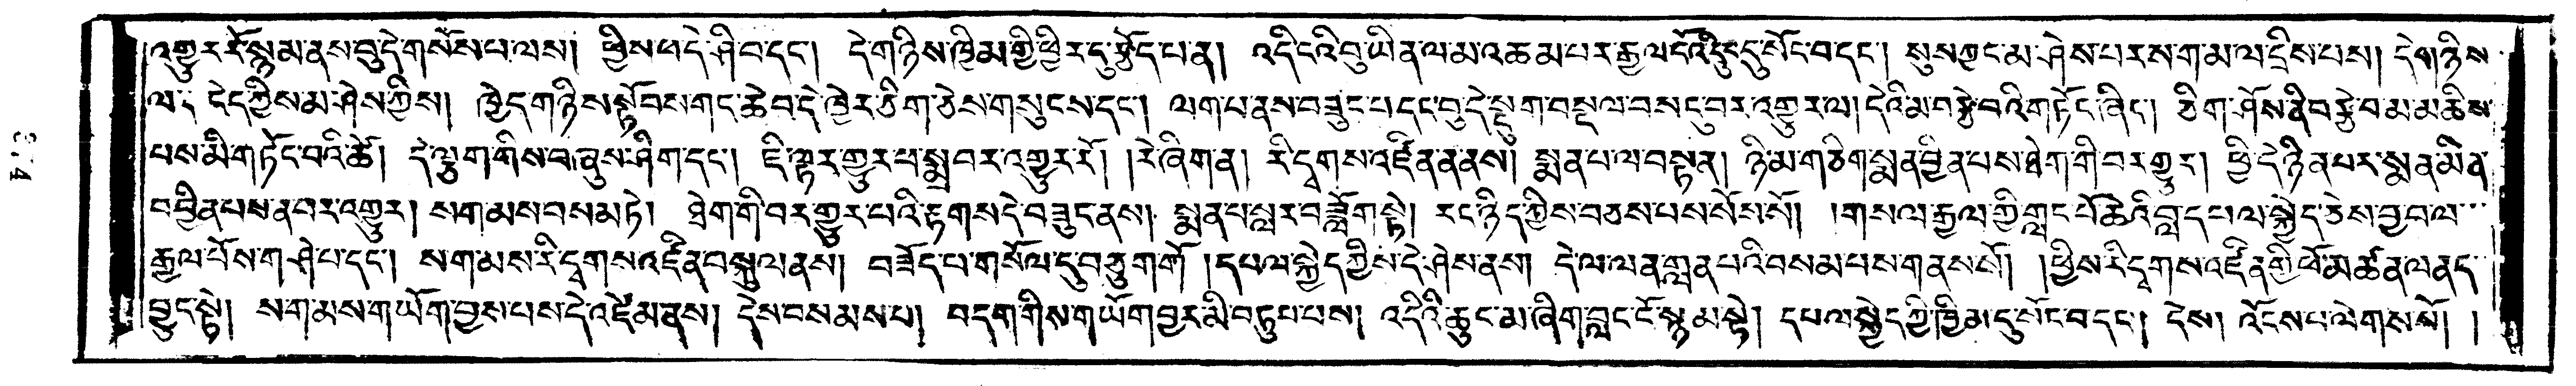འགྱུར་རོ་སྙམ་ནས་བུ་དེ་གསོས་པ་ལས། ཕྱིས་ཕ་དེ་ཤི་བ་དང་། དེ་གཉིས་ཁྱིམ་གྱི་ཕྱིར་དུ་རྩོད་པ་ན། འདི་ངའི་བུ་ཡིན་ལ་མ་འཆམ་པར་རྒྱལ་ངོའི་དུང་དུ་སོང་བ་དང་། སུས་ཀྱང་མ་ཤེས་པར་ས་ག་མ་ལ་དྲིས་པས། དེ་གཉིས་
ལ༑ ངེད་ཀྱིས་མ་ཤེས་ཀྱིས། ཁྱེད་གཉིས་སྟོབས་གང་ཆེབ་དེ་ཁྱེར་ཅིག་ཅེས་གསུངས་དང་། ལག་པ་ནས་བཟུང་པ་དང་བུ་དེ་སྡུག་བསྔལ་བས་དུ་བར་འགྱུར་ལ། དེའི་མ་བརྩེ་བའི་གཏོང་ཞིང་། ཅིག་ཤོས་ནི་བརྩེ་བ་མ་མཆིས་
པས་མི་གཏོང་བའི་ཚེ། དེ་ལྕག་གིས་བཞུས་ཤིག་དང་། ཇི་ལྟར་གྱུར་པ་སྨྲ་བར་འགྱུར་རོ། །རེ་ཞིག་ན། རི་དྭགས་འཛིན་ན་ནས། སྨན་པ་ལ་བསྟན། ཉི་མ་གཅིག་སྨན་བྱིན་པས་ཐེག་གི་བར་གྱུར། ཕྱི་དེ་ཉིན་པར་སྨན་མིན་
བ་བྱིན་པས་ན་བར་འགྱུར། སག་མས་བསམ་ཏེ། ཐེག་གི་བར་གྱུར་པའི་རྟགས་དེ་བཟུང་ནས། སྨན་པ་སླར་བཟློག་སྟེ། རང་ཉིད་ཀྱིས་བཅས་པས་སོས་སོ། །གསལ་རྒྱལ་གྱི་གླང་པོ་ཆེའི་བླ་དཔལ་སྐྱེད་ཅེས་བྱ་བ་ལ་
རྒྱལ་པོས་གཤེ་པ་དང་། ས་ག་མས་རི་དྭགས་འཛིན་བསྐུལ་ནས། བཟོད་པ་གསོལ་དུ་བཅུག་གོ །དཔལ་སྐྱེད་ཀྱིས་དེ་ཤེས་ནས། དེ་ལ་ལན་གླན་པའི་བསམ་པས་གནས་སོ། །ཕྱིས་རི་དྭགས་འཛིན་གྱི་ཕོ་མཚན་ལ་ནད་
བྱུང་སྟེ། ས་ག་མས་གཡོག་བྱས་པས་དེ་འཛེམ་ནས། དེས་བསམས་པ། བདག་གིས་གཡོག་བྱར་མི་བཏུབ་པས། འདིའི་ཆུང་མ་ཞིག་བླང་ངོ་སྙམ་སྟེ། དཔལ་སྐྱེད་ཀྱི་ཁྱིམ་དུ་སོང་བ་དང་། དེས། འོངས་པ་ལེགས་སོ། །